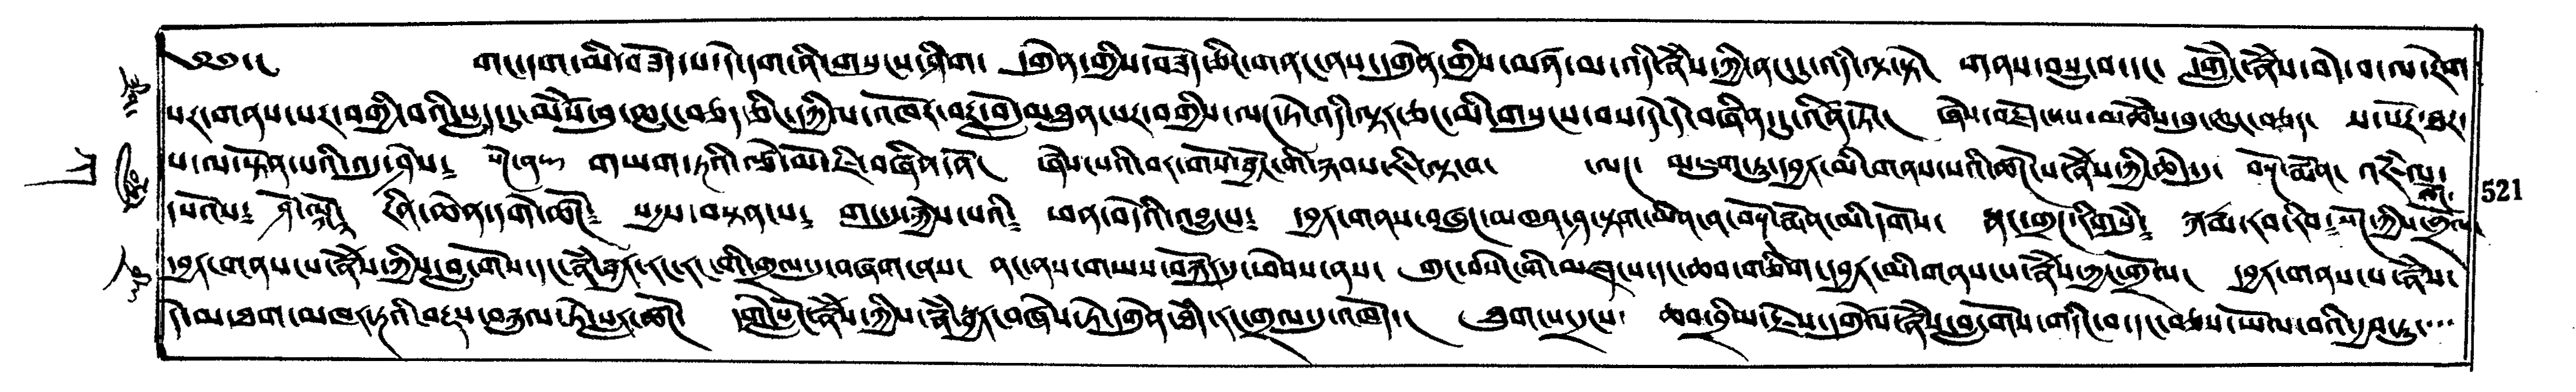གང་དག་མི་བཟོད་པ་དེ་དག་ནི་གསུངས་ཤིག དགེ་འདུན་གྱིས་བཟོད་ཅིང་གནང་ནས་དགེ་འདུན་གྱིས་མཚན་མ་འདི་རྣམས་ཀྱི་ནང་དུ་འདི་ལྟ་སྟེ། གནས་བསྡུ་བ་དང་། དགེ་སློང་རྣམས་བདེ་བ་ལ་རེག་
པར་གནས་པར་བགྱི་བའི་སླད་དུ་མཚམས་བུ་ཆུང་བཅད་ཅིང་དཀྱིལ་འཁོར་བར་བློ་མཐུན་པར་བགྱིས་ལགས་ཏེ་འདི་ལྟར་ཅང་མི་གསུངས་བས་དེ་དེ་བཞིན་དུ་འཛིན་ཏོ།། ཞེས་བརྗོད་པས་མཚམས་བུ་ཆུང་བཅད། སོ་སོར་ཐར་
པ་ལ་སྟོན་པའི་འདུ་ཤེས༴ སོགས་ནས། གཡག་རྔའི་རྩེ་མོ་ཇི་བཞིན་ནོ།། ཞེས་པའི་བར་གསོ་སྦྱོང་གི་སྐབས་ཇི་ལྟ་བ་ལགས། མཇུག་ཏུ་དབྱར་མི་གནས་པའི་ཚོགས་པ་རྣམས་ཀྱི་ཆེད་དུ། བསྔོ་སྨོན། འཇམ་དཔལ་
དཔའ་བོས༴ ཤོ་ལོ་ཀ་གཉིས། རིན་ཆེན་དགེ་ཚོགས༴ སངས་རྒྱས་བསྟན་པ༴ གང་དུ་སྐྱེས་པའི༴ ཕན་བདེའི་འབྱུང་ནས༴ དབྱར་གནས་བཞུགས་མཁན་ཤ་སྟག་ཡིན་ན་བསྔོ་སྨོན་མི་དགོས། སྣང་གྲགས་རིག་གསུམ༴ སྐར་མ་རབ་རིབ༴ སོགས་ཀྱིས་གྲོལ། 
དབྱར་གནས་པ་རྣམས་ཀྱིས་བླ་གོས་དང་སྣམ་སྦྱར་རང་རང་གི་གྲལ་དུ་བཞག་ནས་ནང་ནས་གཡས་བསྐོར་དུ་ཕེབས། གུང་སེང་མཛད་པ་དང་ཆབས་གཅིག་དབྱར་མི་གནས་པ་རྣམས་ཀྱང་གྲོལ། དབྱར་གནས་པ་རྣམས་
དེ་མ་ཐག་མཁར་རྔའི་བརྡས་བསྐུལ་ཏེ་སླར་ཚོགས། དགེ་སློང་རྣམས་ཀྱིས་སྣམ་སྦྱར་བཞེས་ཏེ་དགེ་འདུན་ཐམས་ཅད་རང་གྲལ་དུ་འཁོད། ཐུག་པ་དྲངས། ཆབ་བྲིམ་རྗེས་དགེ་ཚུལ་རྣམས་བླ་གོས་གདིང་བ་དང་བཅས་ཡོལ་བའི་རྒྱབ་ཏུ་